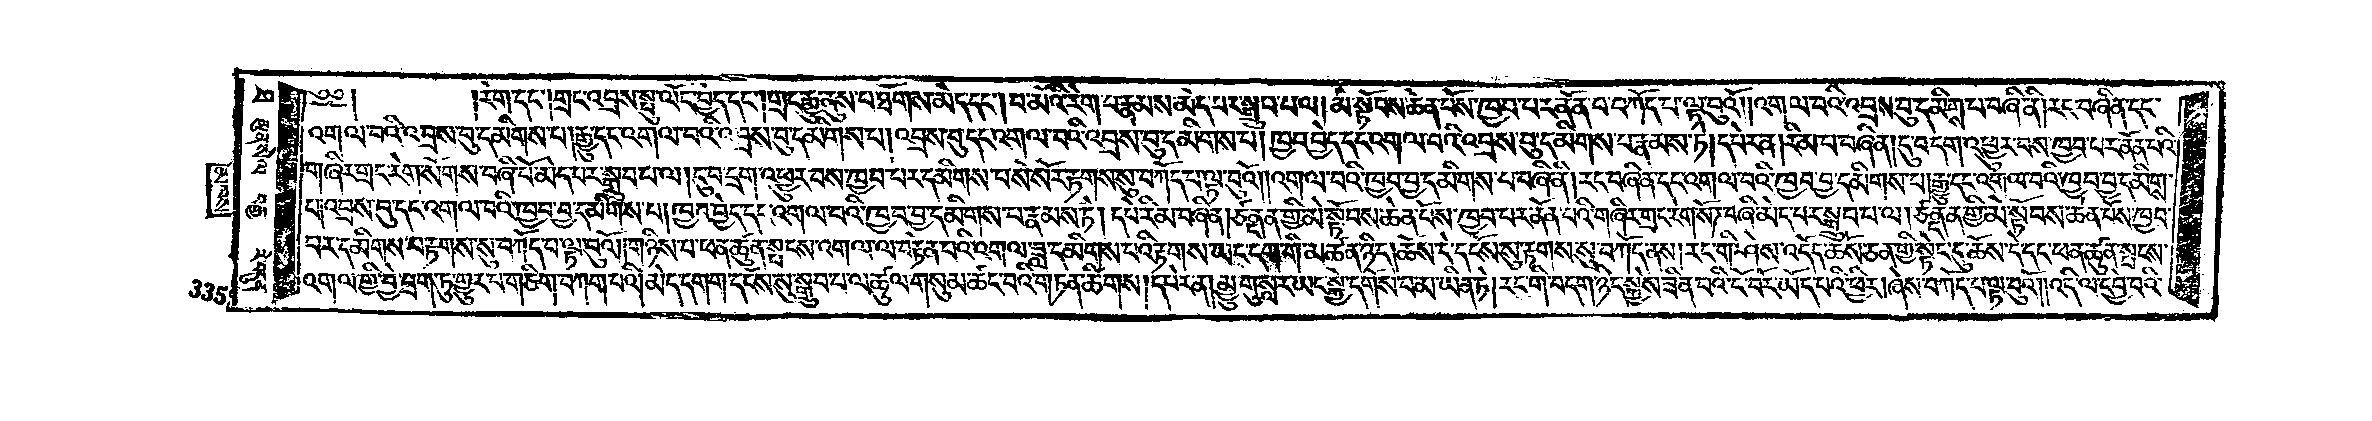༄༅། །རེག་དང་། གྲང་འབྲས་སྤུ་ལོང་བྱེད་དང་། གྲང་རྒྱུ་ནུས་པ་ཐོགས་མེད་དང་། བ་མེའི་རེག་པ་རྣམས་མེད་པར་སྒྲུབ་པ་ལ། མེ་སྟོབས་ཆེན་པོས་ཁྱབ་པར་ནོན་པ་བཀོད་པ་ལྟ་བུའོ། །འགལ་བའི་འབྲས་བུ་དམིགས་པ་བཞི་ནི། རང་བཞིན་དང་
འགལ་བའི་འབྲས་བུ་དམིགས་པ། རྒྱུ་དང་འགལ་བའི་འབྲས་བུ་དམིགས་པ། འབྲས་བུ་དང་འགལ་བའི་འབྲས་བུ་དམིགས་པ། ཁྱབ་བྱེད་དང་འགལ་བའི་འབྲས་བུ་དམིགས་པ་རྣམས་ཏེ། དཔེར་ན། རིམ་པ་བཞིན། དུ་བ་དག་འཕྱུར་བས་ཁྱབ་པར་ནོན་པའི་
གཞིར་གྲང་རེག་སོགས་བཞི་པོ་མེད་པར་སྒྲུབ་པ་ལ། དུ་བ་དྲག་འཕྱུར་བས་ཁྱབ་པར་དམིགས་པ་སོ་སོར་རྟགས་སུ་བཀོད་པ་ལྟ་བུའོ། །འགལ་བའི་ཁྱབ་བྱ་དམིགས་པ་བཞི་ནི། རང་བཞིན་དང་འགལ་བའི་ཁྱབ་བྱ་དམིགས་པ། རྒྱུ་དང་འགལ་བའི་ཁྱབ་བྱ་དམིགས་
པ། འབྲས་བུ་དང་འགལ་བའི་ཁྱབ་བྱ་དམིགས་པ། ཁྱབ་བྱེད་དང་འགལ་བའི་ཁྱབ་བྱ་དམིགས་པ་རྣམས་ཏེ། དཔེ་རིམ་བཞིན། ཙནྡན་གྱི་མེ་སྟོབས་ཆེན་པོས་ཁྱབ་པར་ནོན་པའི་གཞིར་གྲང་རེག་སོགས་བཞི་མེད་པར་སྒྲུབ་པ་ལ། ཙནྡན་གྱི་མེ་སྟོབས་ཆེན་པོས་ཁྱབ་
པར་དམིགས་པ་རྟགས་སུ་བཀོད་པ་ལྟ་བུའོ། །གཉིས་པ་ཕན་ཚུན་སྤངས་འགལ་ལ་བརྟེན་པའི་འགལ་ཟླ་དམིགས་པའི་རྟགས་ཡང་དག་གི་མཚན་ཉིད། ཆོས་དེ་དངོས་སུ་རྟགས་སུ་བཀོད་ནས། རང་གི་ཤེས་འདོད་ཆོས་ཅན་གྱི་སྟེང་དུ་ཆོས་དེ་དང་ཕན་ཚུན་སྤངས་
འགལ་གྱི་བྱེ་བྲག་ཏུ་གྱུར་པ་གཅིག་བཀག་པའི། མེད་དགག་དངོས་སུ་སྒྲུབ་པ་ལ་ཚུལ་གསུམ་ཚང་བའི་གཏན་ཚིགས། དཔེར་ན། མྱུ་གུ་སླར་ཡང་སྐྱེ་དགོས་པ་མ་ཡིན་ཏེ། རང་གི་བདག་ཉིད་སྐྱེས་ཟིན་པའི་ངོ་བོར་ཡོད་པའི་ཕྱིར། ཞེས་བཀོད་པ་ལྟ་བུའོ། །འདི་ལ་དབྱེ་བའི་